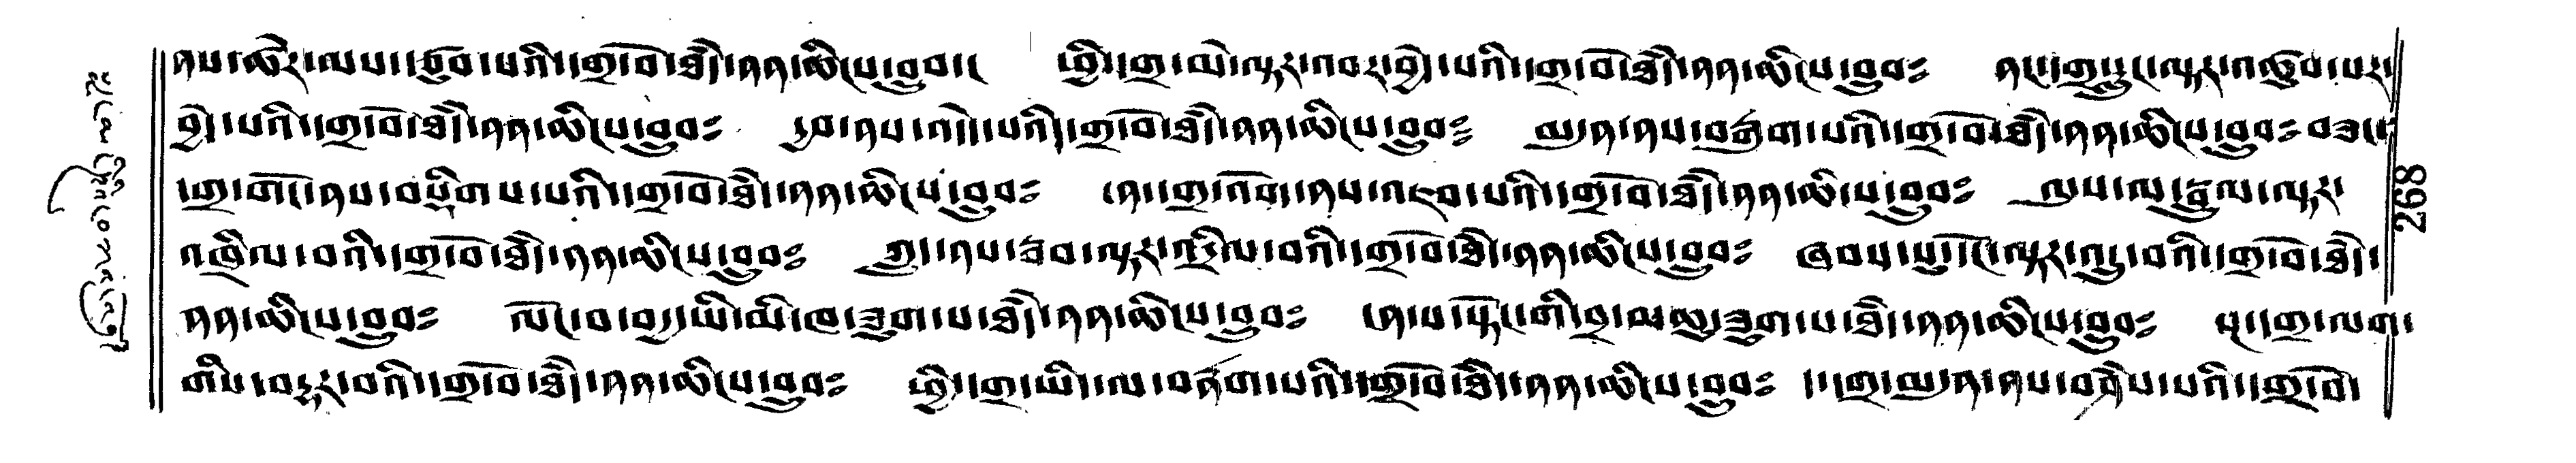ནས་ཚེར་མ་ལས་རྩུབ་པའི་དགྲ་བོ་ཐམས་ཅད་ནན་ཆིངས་བྲུབསཿ ཕྱི་དགྲ་མེད་ལྟར་འབར་བྱེད་པའི་དགྲ་བོ་ཐམས་ཅད་ནན་ཆིངས་བྲུབསཿ ནང་དགྲ་རླུང་ལྟར་འཚུབ་པར་
བྱེད་པའི་དགྲ་བོ་ཐམས་ཅད་ནན་ཆིངས་བྲུབསཿ རྒྱབ་ནས་འདོད་པའི་དགྲ་བོ་ཐམས་ཅད་ནན་ཆིངས་བྲུབས༔མདུན་ནས་སྒུག་པའི་དགྲ་བོ་ཐམས་ཅད་ནན་ཆིངས་བྲུབསཿ བཟང་
དགྲ་གོང་ནས་སྡིག་པའི་དགྲ་བོ་ཐམས་ཅད་ནན་ཆིངས་བྲུབསཿ ངན་དགྲ་འོག་ནས་འཇབ་པའི་དགྲ་བོ་ཐམས་ཅད་ནན་ཆིངས་བྲུབསཿ ལུས་ལ་སྦྲུལ་ལྟར་
འཁྲིལ་བའི་དགྲ་བོ་ཐམས་ཅད་ནན་ཆིངས་བྲུབསཿ ཀླད་ནས་རྦབ་ལྟར་འདྲིལ་བའི་དགྲ་བོ་ཐམས་ཅད་ནན་ཆིངས་བྲུབསཿ ཞབས་སུ་དོང་ལྟར་འདྲུ་བའི་དགྲ་བོ་ཐམས་ཅད་
ནན་ཆིངས་བྲུབསཿ ལོང་བ་བརྒྱ་ཡི་མི་ཁ་ཟུག་པ་ཐམས་ཅད་ནན་ཆིངས་བྲུབསཿ ངན་པ་སྟོང་གི་བྲ་མཆུ་ཟུག་པ་ཐམས་ཅད་ནན་ཆིངས་བྲུབཿ སྔ་དགྲ་ལག་
གིས་རྡར་བའི་དགྲ་བོ་ཐམས་ཅད་ནན་ཆིངས་བྲུབསཿ ཕྱི་དགྲ་ཡིད་ལ་བརྣག་པའི་དགྲ་བོ་ཐམས་ཅད་ནན་ཆིངས་བྲུབསཿ ད་དགྲ་མདུན་ནས་ཤོམ་པའི་དགྲ་བོ་